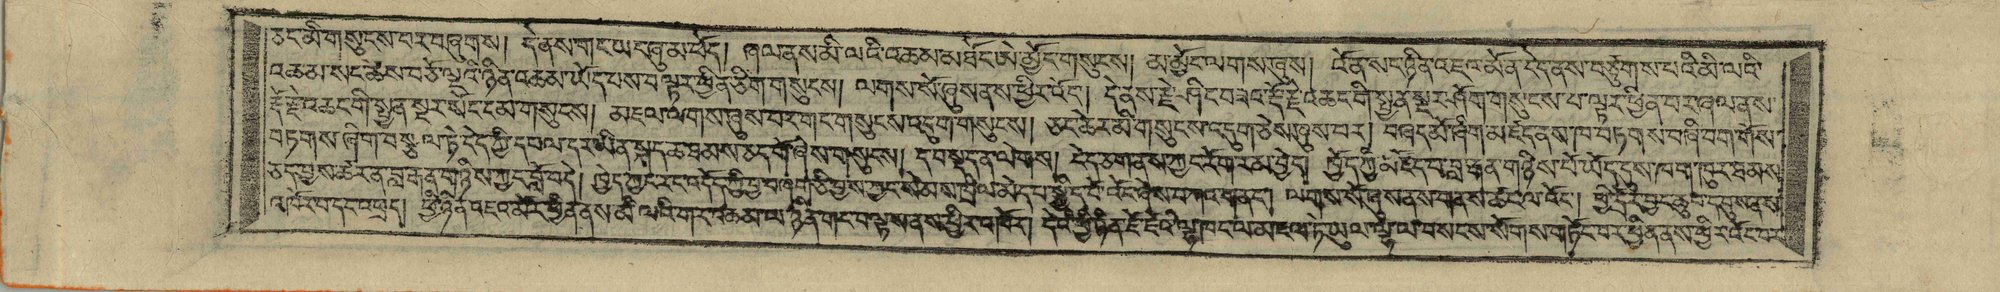ཅང་མི་གསུངས་པར་བཞུགས། དེ༈ནས་གང་ཡང་ཞུ་མ་ཕོད། ཞལ་ནས་མི་ལའི་འཆམ་མཐོང་ཨེ་མྱོང་གསུངས། མ་མྱོང་ལགས་ཞུས། འོ་ན་སང་ཉིན་འཇའ་མོ་ན་ངེད་ནས་བཙུགས་པའི་མི་ལའི་
འཆམ་སང་ཚེས་བཅོ་ལྔའི་ཉིན་འཆམ་ཡོད་པས་བལྟར་ཕྱིན་ཅིག་གསུངས། ལགས་སོ་ཞུས་ནས་ཕྱིར་འོང་། དེ་ནས་རྗེ་ཤིང་བཟའ་རྡོ་རྗེ་འཆང་གི་སྤྱན་སྔར་ཤོག་གསུངས་པ་ལྟར་ཕྱིན་པར་ཞལ་ནས་
རྡོ་རྗེ་འཆང་གི་སྤྱན་སྔར་སོང་ངམ་གསུངས། མཇལ་ལགས་ཞུས་པར་གང་གསུངས་འདུག་གསུངས། ཅང་ཆེར་མི་གསུངས་འདུག་ཅེས་ཞུས་པར། བཞད་མོ་ཞིག་མཛད་ནས་ཁ་བཏགས་བཞི་བག་གོས་
བཏགས་ཞིག་བསྩལ་ཏེ་ངེད་ཀྱི་དཔལ་དར་ཡིན་སྐད་ཆ་ཐམས་ཅད་གོ་ཞེས་གསུངས། ད་བསྡད་ན་ལེགས། ངེད་ཅག་ནས་ཀྱང་རོག་རམ་བྱེད། ཁྱོད་ཀྱི་མཛོད་པ་བླ་རྒན་གཉིས་པོ་ཡོད་དུས་ཁག་ཁུར་ཐམས་
ཅད་བྱས་ཚར་ན་བླ་རྒན་གཉིས་ཀྱང་བློ་བདེ། ཁྱེད་ཀྱང་རང་འདོད་ཀྱི་བྱ་བཞག་ཅི་བྱས་ཀྱང་སེམས་ཁྲེལ་མེད་པ་སྐྱིད་པོ་འོང་ཞེས་བཀའ་གནང་། ལགས་སོ་ཞུས་ནས་གནས་ཚང་ལ་འོང་། ཕྱི་དྲོར་བྱང་ཆུབ་དབུས་ནས་
འཁོར་བ་དང་འཕྲད། ཕྱི་ཉིན་འཇའ་མོར་ཕྱིན་ནས་མི་ལའི་གར་འཆམ་ལ་ཉིན་གང་བལྟས་ནས་ཕྱིར་འཁོར། དེའི་ཕྱི་ཉིན་ཇོ་ཇོའི་ལྷ་ཁང་ལ་མཇལ་ཏེ་ཡུལ་ལྷ་ལ་བསངས་སོགས་གཏོང་བར་ཕྱིན་ནས་ཕྱིར་འོང་བར་